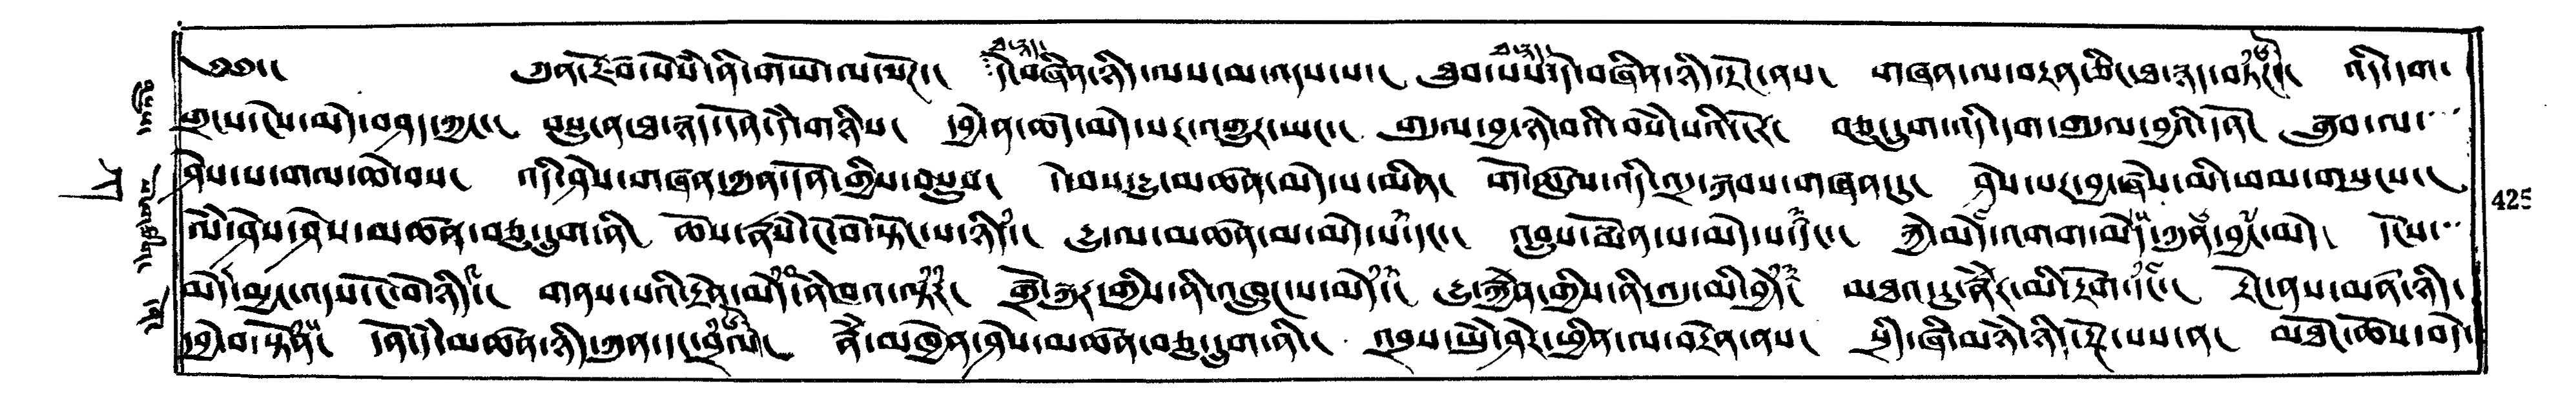ཀུན་རྫོབ་སེམས་ནི་གཡོ་ལ་སོགས། ཐ་སྙད་དེ་བཞིན་ཉིད་ལས་མ་འདས་པ། །ཐུབ་པས་ཐ་སྙད་དེ་བཞིན་ཉིད་རྟོགས་ནས། །གཞན་ལ་བསྟན་ཅིང་ཐ་སྙད་བཏགས། །འདི་དག་
གྲངས་ངེས་མེད་བཤད་ཀྱང་། །བསྡུ་ན་ཐ་སྙད་དོན་དམ་གཉིས། །དབྱེ་ན་ཚད་མེད་པར་འགྱུར་ཡང་། །གདུལ་བྱ་ཉེ་བའི་བསམ་པའི་ངོར། །བཅུ་དྲུག་འདི་དག་གདུལ་བྱའི་དོན། །སྒྲུབ་ལ་
ཤེས་པ་གལ་ཆེ་བས། །འདི་ཤེས་གཞན་ཀུན་དོན་གྱིས་བསྡུས། །དེ་བས་རྒྱུ་མཚན་མེད་པ་མིན། །གོ་ཚུལ་འདི་འདྲ་སྐབས་གཞན་དུ། །ཤེས་པར་བྱ་ཞེས་མི་ཕམ་གསུངས། །
ལམ་ཤེས་ཤེས་མཚན་བཅུ་དྲུག་ནི། །ཆོས་རྣམས་ངོ་བོ་སྟོང་པ་ཉིད། །རྒྱུ་ལ་མཚན་མ་མེད་པ་དང་། །འབྲས་བུ་སྨོན་པ་མེད་པ་དང་། །སྐྱེ་མེད་འགགས་མེད་ཀུན་བྱང་མེད། །དངོས་
མེད་མྱང་འདས་ངོ་བོ་ཉིད། །གནས་པའི་རྟེན་མེད་ནམ་མཁའ་ལྟར། །སྒྲོ་སྐུར་གྱིས་ནི་འཁྲུགས་པ་མེད། །རྒྱུ་རྐྱེན་གྱིས་ནི་འདུ་མི་བྱེད། །མཐའ་རུ་རྣམ་པར་མི་རྟོག་དང་། །རྟོགས་ནས་མཚན་ཉིད་
དབྱེ་བ་སྟོན། །དོན་དམ་མཚན་ཉིད་ཀུན་དང་བྲལ། །རྣམ་མཁྱེན་ཤེས་མཚན་བཅུ་དྲུག་ནི། །འབྲས་ཡུམ་ཤེར་ཕྱིན་ལ་བརྟེན་ནས། །སྲིད་ཞི་མཉམ་ཉིད་རྟོགས་པས་ན། །མཐོང་ཆོས་བདེ་